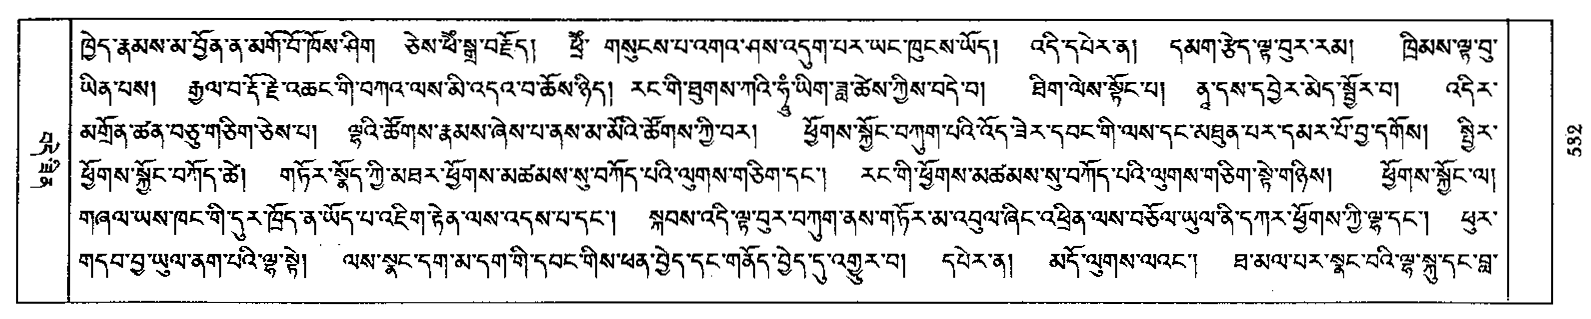ཁྱེད་རྣམས་མ་བྱོན་ན་མགོ་བོ་ཁོས་ཤིག་ཅེས་ཕཻཾ་སྒྲ་བརྗོད། ཕྲཻཾ་གསུངས་པ་འགའ་ཤས་འདུག་པར་ཡང་ཁུངས་ཡོད། འདི་དཔེར་ན། དམག་རྩེད་ལྟ་བུར་རམ། ཁྲིམས་ལྟ་བུ་
ཡིན་པས། རྒྱལ་བ་རྡོ་རྗེ་འཆང་གི་བཀའ་ལས་མི་འདའ་བ་ཆོས་ཉིད། རང་གི་ཐུགས་ཀའི་ཧཱུཾ་ཡིག་ཟླ་ཚེས་ཀྱིས་བདེ་བ། ཐིག་ལེས་སྟོང་པ། ནཱ་དས་དབྱེར་མེད་སྦྱོར་བ། འདིར་
མགྲོན་ཚན་བཅུ་གཅིག་ཅེས་པ། ལྷའི་ཚོགས་རྣམས་ཞེས་པ་ནས་མ་མོའི་ཚོགས་ཀྱི་བར། ཕྱོགས་སྐྱོང་བཀུག་པའི་འོད་ཟེར་དབང་གི་ལས་དང་མཐུན་པར་དམར་པོ་བྱ་དགོས། སྤྱིར་
ཕྱོགས་སྐྱོང་བཀོད་ཚེ། གཏོར་སྣོད་ཀྱི་མཐར་ཕྱོགས་མཚམས་སུ་བཀོད་པའི་ལུགས་གཅིག་དང་། རང་གི་ཕྱོགས་མཚམས་སུ་བཀོད་པའི་ལུགས་གཅིག་སྟེ་གཉིས། ཕྱོགས་སྐྱོང་ལ།
གཞལ་ཡས་ཁང་གི་དུར་ཁྲོད་ན་ཡོད་པ་འཇིག་རྟེན་ལས་འདས་པ་དང་། སྐབས་འདི་ལྟ་བུར་བཀུག་ནས་གཏོར་མ་འབུལ་ཞིང་འཕྲིན་ལས་བཅོལ་ཡུལ་ནི་དཀར་ཕྱོགས་ཀྱི་ལྷ་དང་། ཕུར་
གདབ་བྱ་ཡུལ་ནག་པའི་ལྷ་སྟེ། ལས་སྣང་དག་མ་དག་གི་དབང་གིས་ཕན་བྱེད་དང་གནོད་བྱེད་དུ་འགྱུར་བ། དཔེར་ན། མདོ་ལུགས་ལའང་། ཐ་མལ་པར་སྣང་བའི་ལྷ་སྐུ་དང་བླ་